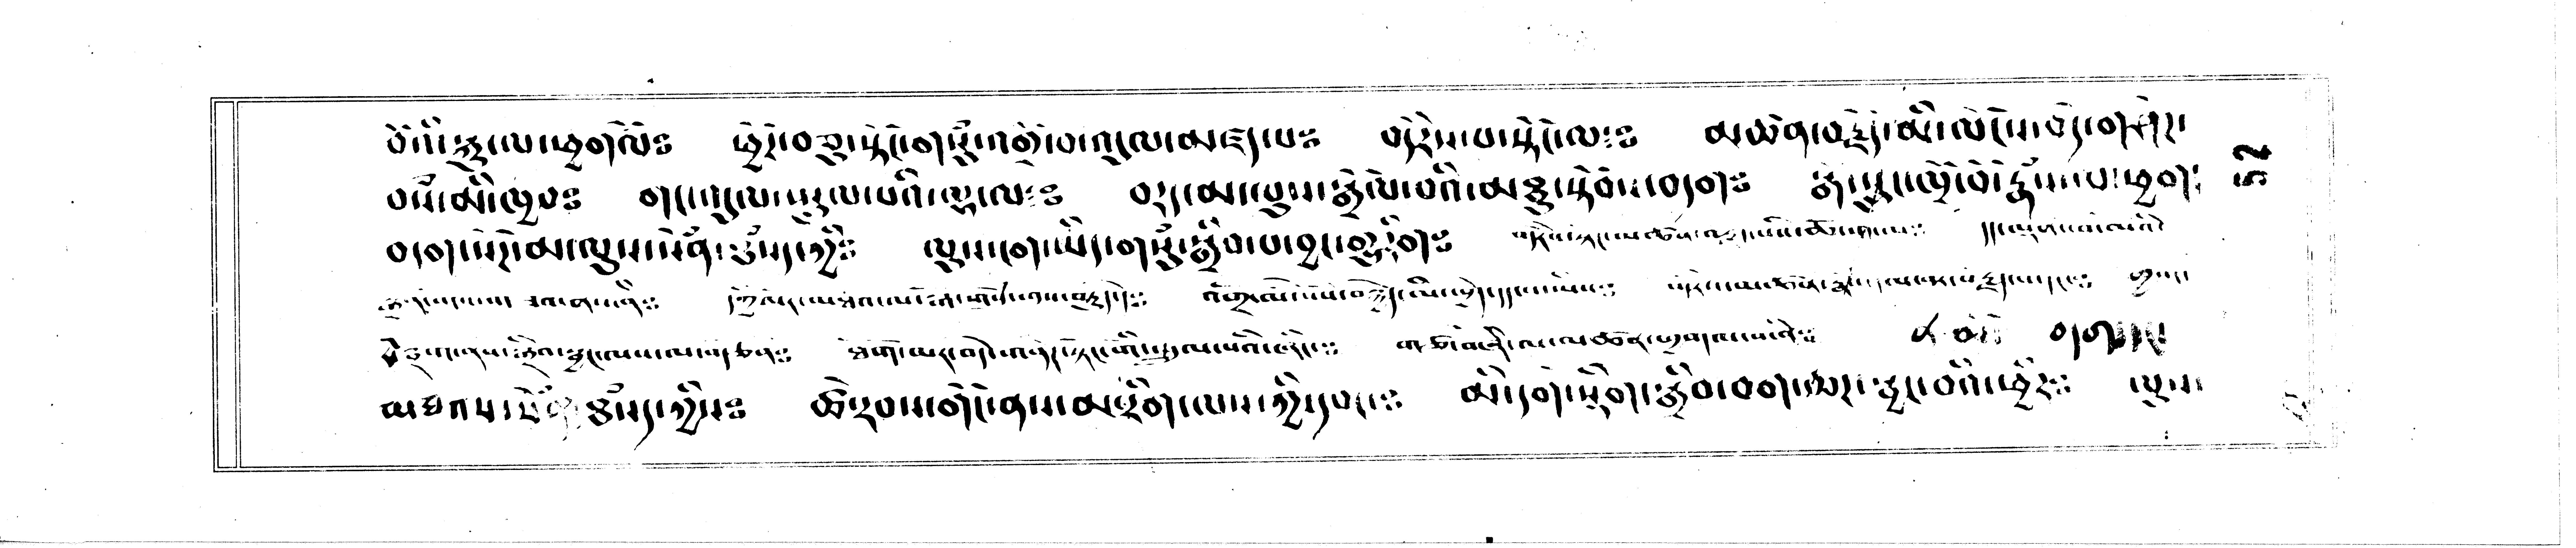བོའི་སྐུ་ལ་ཕྱག་འཚལ་ལོཿ ཕྱོགས་བཅུ་སྟོང་གསུམ་འགྲོ་བ་འདུལ་མཛད་པཿ བདེ་བར་གཤེགས་པ་སྟོང་ལ་ཕྱག་འཚལ་ལོཿ མཚན་བརྗོད་མི་ལོང་བདེར་གཤེགས་
བསམ་མི་ཁྱབཿ གང་འདུལ་སྤྲུལ་པའི་ལྷ་ལ་ཕྱག་འཚལ་ལོཿ བར་ཆད་མ་ལུས་སྒྲོལ་བའི་མཐུ་སྟོབས་བདགཿ སྒོ་སྲུང་ཁྲོ་བོ་རྣམས་ལ་ཕྱག་འཚལ་ལོཿ 
བདག་སོགས་མ་ལུས་སེམས་ཅན་ཐམས་ཅད་ཀྱིཿ ལུས་ངག་ཡིད་གསུམ་སྒྲིབ་པ་བྱང་གྱུར་ཅིགཿ བདེར་གཤེགས་སྟོང་མཚན་བརྗོད་པའི་ཆོ་ག་ལ་དད་ལྡན་ཕོ་མོའི་
རྒྱན་གོས་གཟབ་ནས་ནིཿ དཀྱིལ་འཁོར་མཐའ་ལ་སྒོ་གསུམ་གུས་བཏུད་དེཿ འགྲོ་ལ་སེམས་བསྐྱེད་མི་ཕྱེད་དད་པ་ཡིསཿ བདེར་གཤེགས་མཚན་རྣམས་དལ་བུར་བརྗོད་པ་དངཿ ཕྱག་
རེ་སྦྲག་དང་སྒྲིབ་སྦྱོང་ལས་ལ་བརྩོནཿ ཐོག་མར་བདེར་གཤེགས་སྟོང་གི་སྤྲུལ་པའི་ཞིངཿ གཙོ་བོ་བཞི་ལ་མཚན་ཕྱག་འཚལ་བ་ནིཿ ན་མོ་བདག་དང་
མཐའ་ཡས་སེམས་ཅན་ཐམས་ཅད་ཀྱིསཿ ཚེ་རབས་གོང་ནས་མ་རིག་ལས་ཀྱིས་དབངཿ མི་དགེ་སྡིག་སྒྲིབ་བག་ཆགས་སྦྱང་བའི་ཕྱིརཿ ལུས་